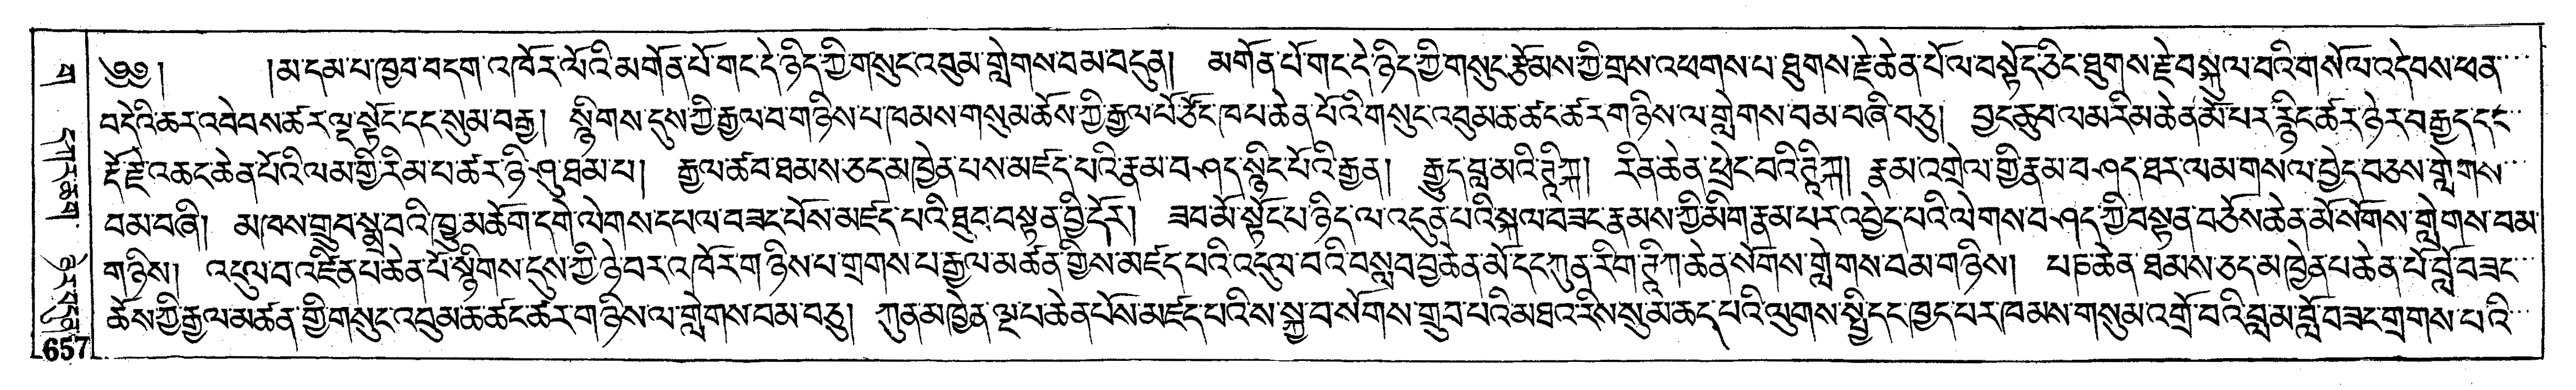༄༅། །མ་དམ་པ་ཁྱབ་བདག་འཁོར་ལོའི་མགོན་པོ་གང་དེ་ཉིད་ཀྱི་གསུང་འབུམ་གླེགས་བམ་བདུན། མགོན་པོ་གང་དེ་ཉིད་ཀྱི་གསུང་རྩོམས་ཀྱི་གྲས་འཕགས་པ་ཐུགས་རྗེ་ཆེན་པོ་ལ་བསྟོད་ཅིང་ཐུགས་རྗེ་བསྐུལ་བའི་གསོལ་འདེབས་ཕན་
བདེའི་ཆར་འབེབས་ཚར་ལྔ་སྟོང་དང་སུམ་བརྒྱ། སྙིགས་དུས་ཀྱི་རྒྱལ་བ་གཉིས་པ་ཁམས་གསུམ་ཆོས་ཀྱི་རྒྱལ་པོ་ཙོང་ཁ་པ་ཆེན་པོའི་གསུང་འབུམ་ཆ་ཚར་གཉིས་ལ་གླེགས་བམ་བཞི་བཅུ། བྱང་ཆུབ་ལམ་རིམ་ཆེན་མོ་པར་རྙིང་ཚར་ཉེར་བརྒྱད་དང་
རྡོ་རྗེ་འཆང་ཆེན་པོའི་ལམ་གྱི་རིམ་པ་ཚར་ཉི་ཤུ་ཐམ་པ། རྒྱལ་ཚབ་ཐམས་ཅད་མཁྱེན་པས་མཛད་པའི་རྣམ་བཤད་སྙིང་པོའི་རྒྱན། རྒྱུད་བླ་མའི་ཊཱིཀྐ། རིན་ཆེན་ཕྲེང་བའི་ཊཱིཀྐ། རྣམ་འགྲེལ་གྱི་རྣམ་བཤད་ཐར་ལམ་གསལ་བྱེད་བཅས་གླེགས་
བམ་བཞི། མཁས་གྲུབ་སྨྲ་བའི་ཁྱུ་མཆོག་དགེ་ལེགས་དཔལ་བཟང་པོས་མཛད་པའི་ཐུབ་བསྟན་བྱི་དོར། ཟབ་མོ་སྟོང་པ་ཉིད་ལ་འདུན་པའི་སྐལ་བཟང་རྣམས་ཀྱི་མིག་རྣམ་པར་འབྱེད་པའི་ལེགས་བཤད་ཀྱི་བསྟན་བཅོས་ཆེན་མོ་སོགས་གླེགས་བམ་
གཉིས། འདུལ་བ་འཛིན་པ་ཆེན་པོ་སྙིགས་དུས་ཀྱི་ཉེ་བར་འཁོར་གཉིས་པ་གྲགས་པ་རྒྱལ་མཚན་གྱིས་མཛད་པའི་འདུལ་བའི་བསླབ་བྱ་ཆེན་མོ་དང་ཀུན་རིག་ཊཱིཀ་ཆེན་སོགས་གླེགས་བམ་གཉིས། པཎ་ཆེན་ཐམས་ཅད་མཁྱེན་པ་ཆེན་པོ་བློ་བཟང་
ཆོས་ཀྱི་རྒྱལ་མཚན་གྱི་གསུང་འབུམ་ཆ་ཚང་ཚར་གཉིས་ལ་གླེགས་བམ་བཅུ། ཀུན་མཁྱེན་ལྔ་པ་ཆེན་པོས་མཛད་པའི་ས་སྐྱ་བ་སོགས་གྲུབ་པའི་མཐའ་རིས་སུ་མཆད་པའི་ལུགས་སྤྱི་དང་ཁྱད་པར་ཁམས་གསུམ་འགྲོ་བའི་བླ་མ་བློ་བཟང་གྲགས་པའི་